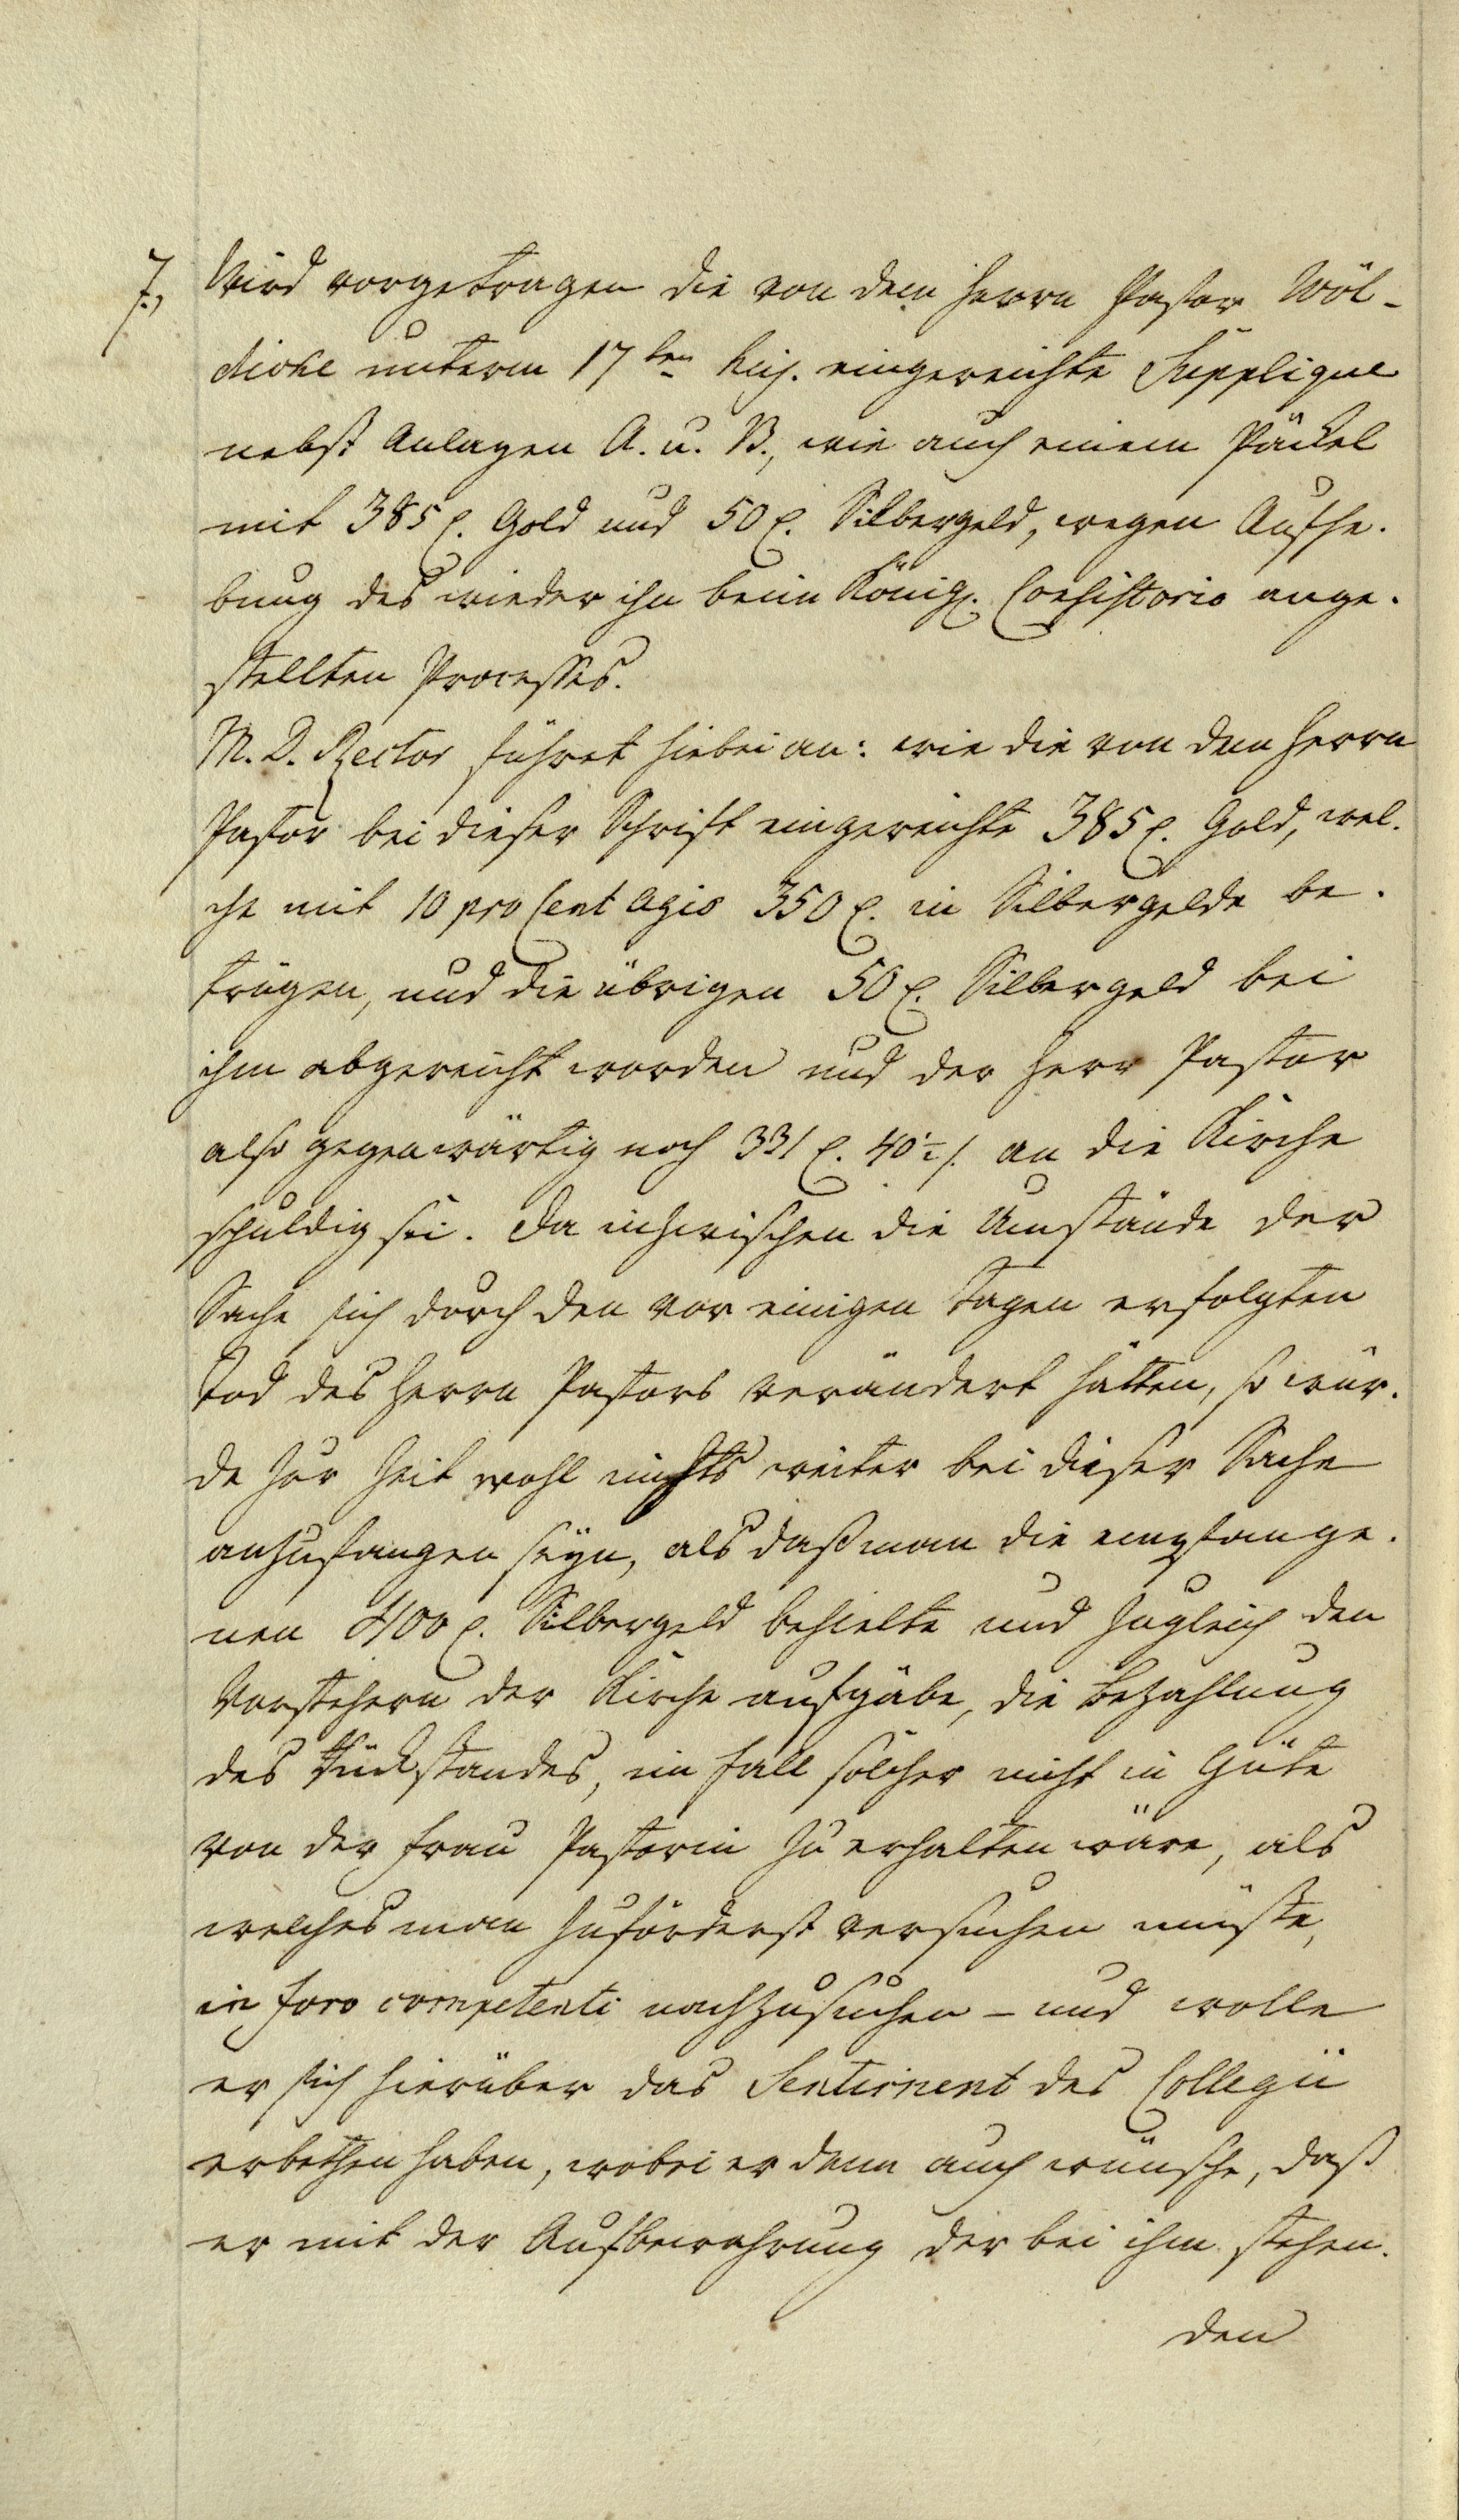2. Wird vorgetragen die von dem Herrn Pastor Wöl¬
dicke unterm 17 ten huj. eingereichte Supplique
nebst Anlagen A. u. B., wie auch einem Päckel
mit 385 l. Gold und 50 l. Silbergeld, wegen Aufhe¬
bung des wieder ihn beim Königl. Consistorio ange¬
stellten Processes.
M. D. Rector führet hiebei an: wie die von dem Herrn
Pastor bei dieser Schrift eingereichte 385 l. Gold, wel¬
che mit 10 pro Cent Agio 350 l. in Silbergelde be¬
trügen, und die übrigen 50 l. Silbergeld bei
ihm abgereicht worden und der Herr Pastor
also gegenwärtig noch 331 l. 40 ½ s. an die Kirche
schuldig sei. Da inzwischen die Umstände der
Sache sich durch den vor einigen Tagen erfolgten
Tod des Herrn Pastors verändert hätten, so wür¬
de zur Zeit wohl nichts weiter bei dieser Sache
anzufangen seÿn, als daß man die empfange¬
nen 400 l. Silbergeld behielte und zugleich den
Vorstehern der Kirche aufgäbe, die Bezahlung
des Rückstandes, im Fall solcher nicht in Güte
von der Frau Pastorin zu erhalten wäre, als
welches man zuförderst versuchen müßte,
in foro competenti nachzusuchen - und wolle
er sich hierüber das Sentiment des Collegii
erbethen haben, wobei er denn auch wünsche, daß
er mit der Aufbewahrung der bei ihm stehen¬
den